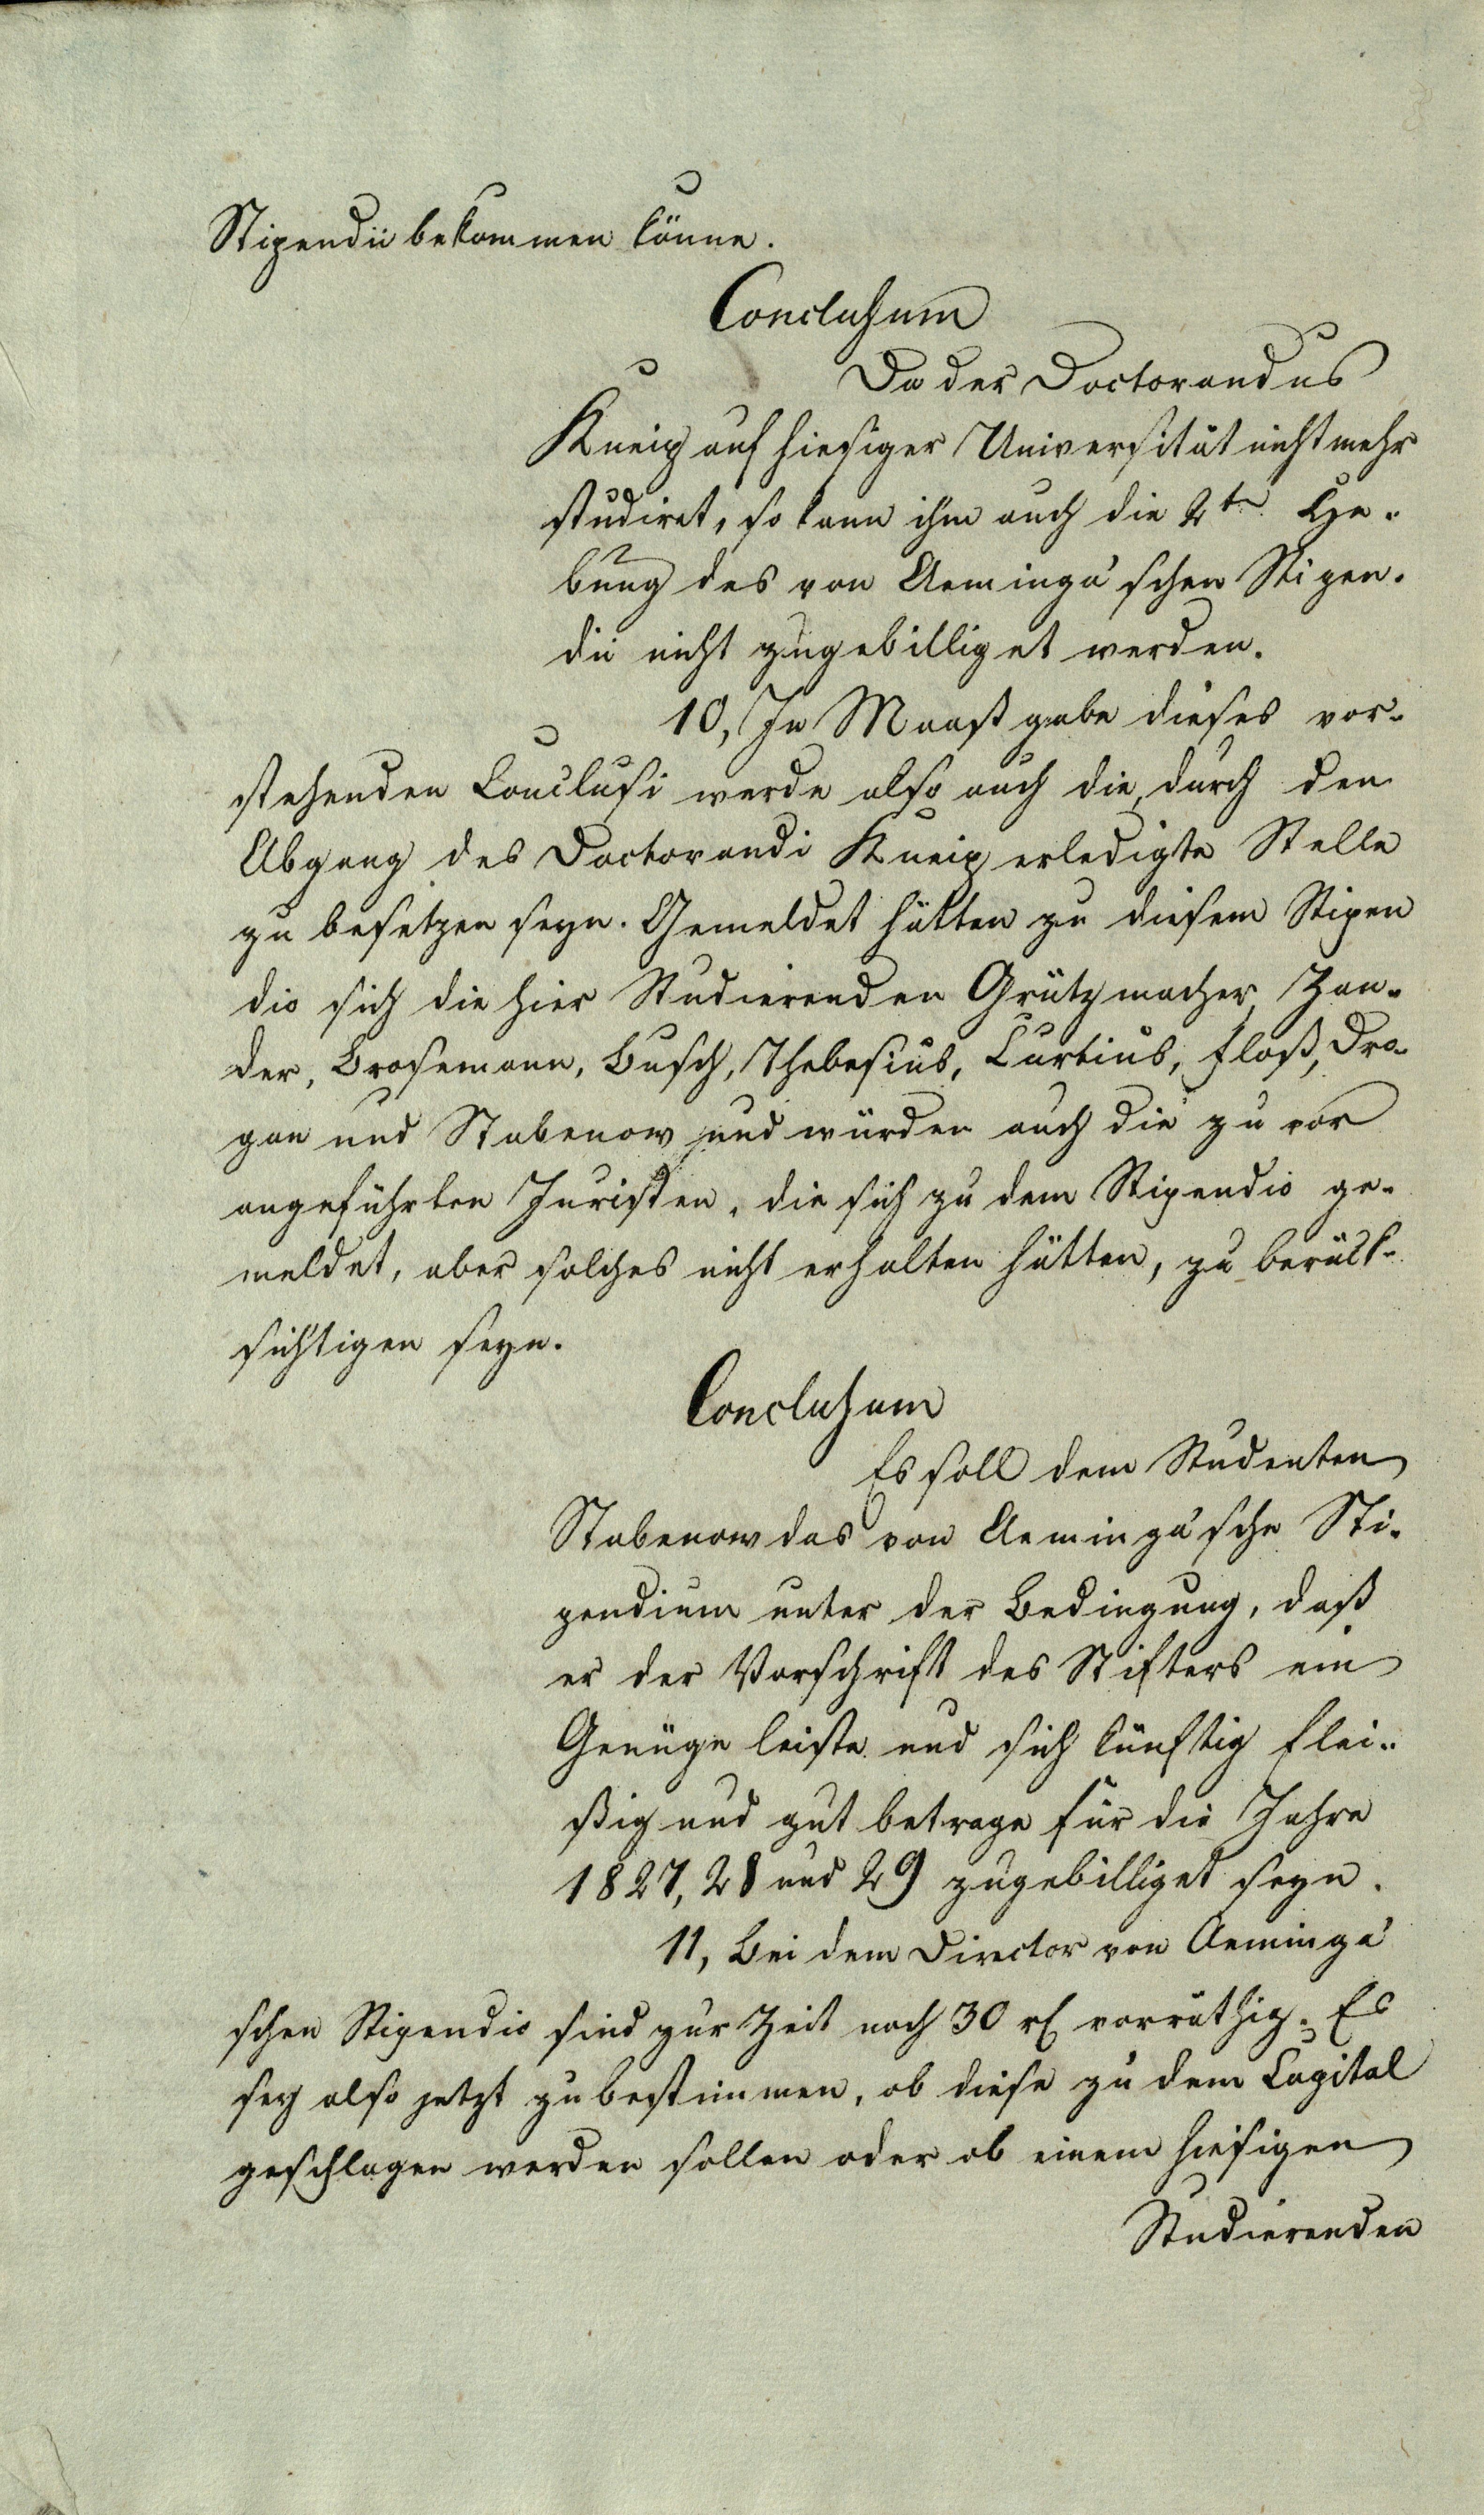Stipendii bekommen könne.
Conclusum
Da der Doctorandus
Kneip auf hiesiger Universität nichtmehr
studiret, so kann ihm auch die 2te He¬
bung des von Aeminga'schen Stipen¬
dii nicht zugebilliget werden.
10, In Maaßgabe dieses vor¬
stehenden Conlusi werde also auch die, durch den
Abgang des Doctorandi Kneip erledigte Stelle
zu besetzen seyn. Gemeldet hätten zu diesem Stipen¬
dio sich die hier Studierenden Grützmacher, Zan¬
der, Brosemann, Busch, Thebesius, Curtius, Floß, Dro¬
gan und Stabenow, und würden auch die zuvor
angeführten Juristen, die sich zu dem Stipendio ge¬
meldet, aber solches nicht erhalten hätten, zu berück¬
sichtigen seyn.
Conclusum
Es soll dem Studenten
Stabenow das von Aeminga'sche Sti¬
pendium unter der Bedingung, daß
er der Vorschrift des Stifters ein
Genüge leiste und sich künftig flei¬
ßig und gut betrage für die Jahre
1827, 28 und 29 zugebilliget seyn.
11, Bei dem Director von Aeminga'¬
schen Stipendio sind zur Zeit noch 30 r vorräthig. Es
sey also jetzt zu bestimmen, ob diese zu dem Capital
geschlagen werden sollen oder ob einem hiesigen
Studierenden